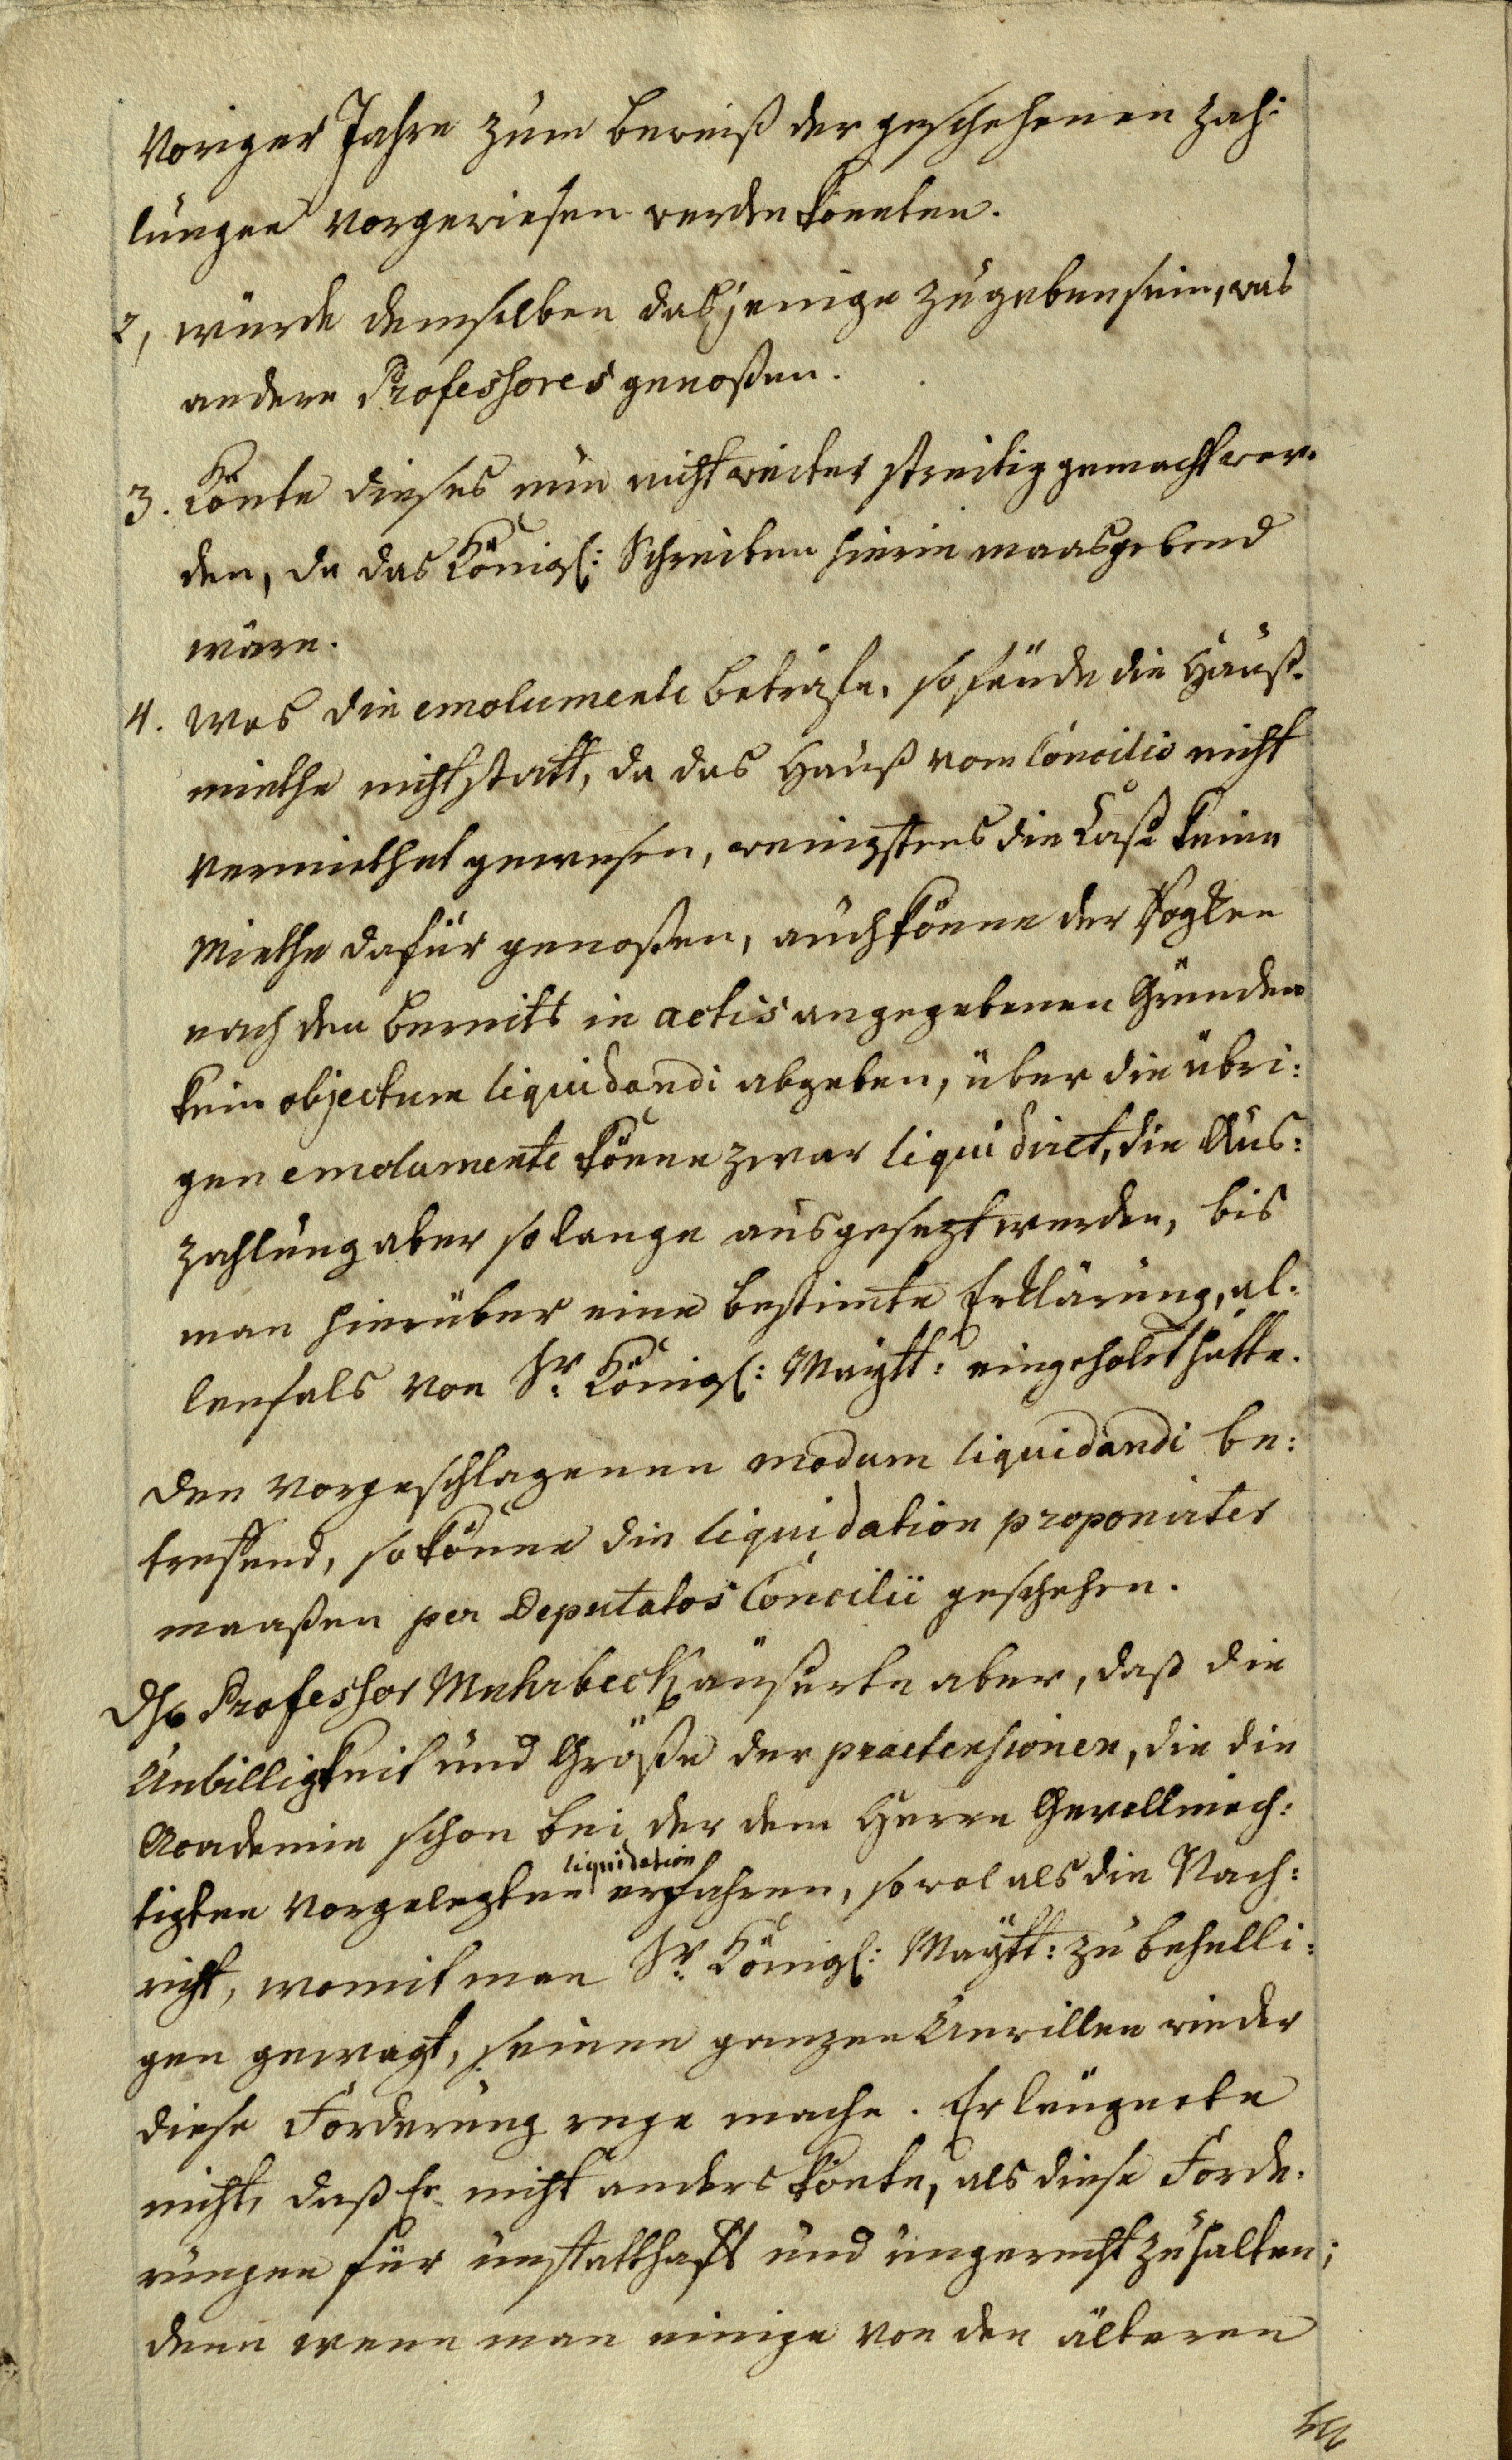voriger Jahre zum Beweiß der geschehenen Zah¬
lungen vorgewiesen werden könnten.
2, würde demselben dasjenige zu geben sein, was
andere Professores genoßen.
3. Könte dieses nun nicht weiter streitig gemacht wer¬
den, da das Königl. Schreiben hierin maasgebend
wäre.
4. Was die emolumente beträfe, so fände die Haus¬
miethe nicht statt, da das Haus vom Concilio nicht
vermiethet gewesen, wenigstens die Caße keine
Miethe dafür genoßen, auch könne der Rogken
nach dem bereits in actis angegebenen Gründen
kein objectum liquidandi abgeben, über die übri¬
gen emolumente könne zwar liquidiret , die Aus¬
zahlung aber so lange ausgesezt werden, bis
man hierüber eine bestimte Erklärung, al¬
lenfals von Sr Königl. Maÿtt. eingeholet hätte.
Den vorgeschlagenen modum liquidandi be¬
treffend, so könne die liquidation proponirter
maaßen per Deputatos Concilii geschehen.
Dh Professor Muhrbeck äußerte aber, daß die
Unbilligkeit und Größe der praetensionen, die die
Academie schon bei der dem Herrn Gevollmäch¬
tigten vorgelegten liquidation erfahren, sowol als die Nach¬
richt, womit man Sr. Königl. Maÿtt. zu behelli¬
gen gewagt, seinen ganzen Unwillen wieder
diese Forderung rege mache. Er leugnete
nicht, daß Er nicht anders könte, als diese Forde¬
rungen für unstatthaft und ungerecht zu halten;
denn wenn man einige von den älteren